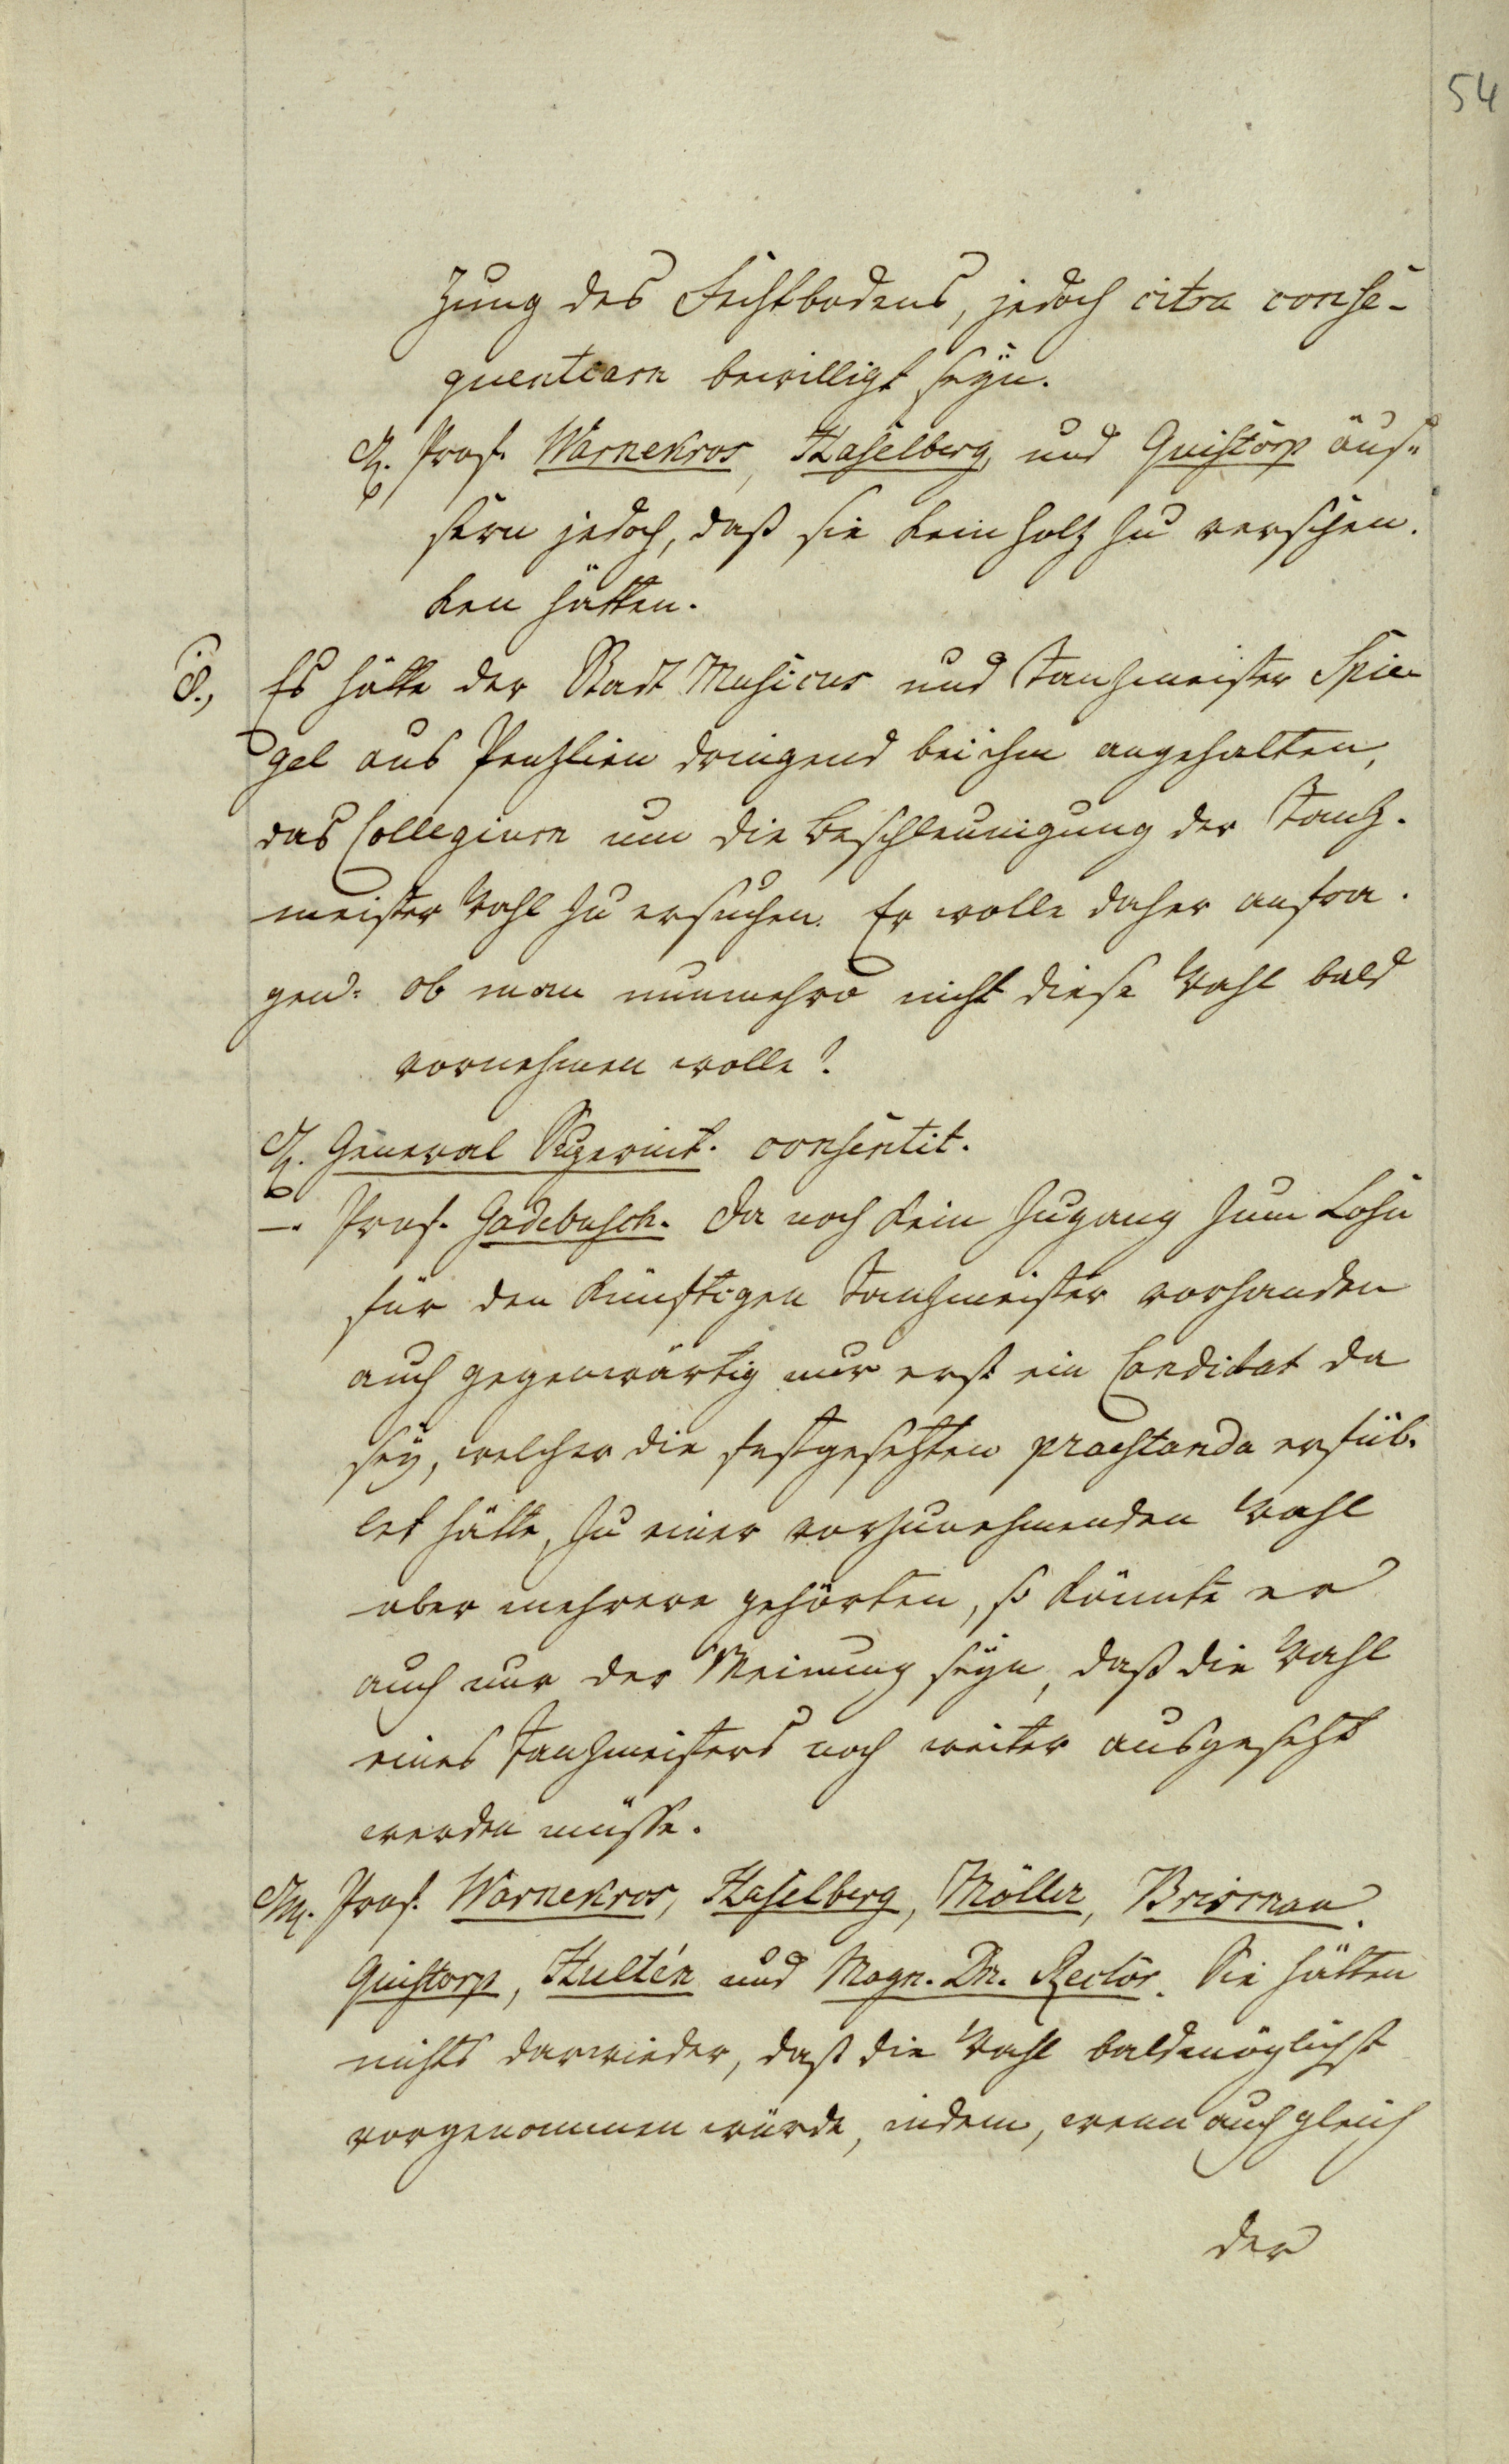zung des Fechtbodens, jedoch citra conse¬
quentiam bewilligt seÿn.
dh. Prof. Warneckros, Haselberg und Quistorp äus¬
sern jedoch, daß sie kein Holz zu verschen¬
ken hätten.
8., Es hätte der Stadt Musicus und Tanzmeister Spie¬
gel aus Penzlien dringend bei ihm angehalten,
das Collegium um die Beschleunigung der Tanz¬
meister Wahl zu ersuchen. Er wolle daher anfra¬
gen: ob man nunmehro nicht diese Wahl bald
vornehmen wolle?
dh. General Superint. consentit.
Prof. Gadebusch. Da noch kein Zugang zum Lohn
für den künftigen Tanzmeister vorhanden
auch gegenwärtig nur erst ein Candidat da
seÿ, welcher die festgesetzten praestanda erfül¬
let hätte, zu einer vorzunehmenden Wahl
aber mehrere gehörten, so könnte er
auch nur der Meinung seÿn, daß die Wahl
eines Tanzmeisters noch weiter ausgesetzt
werden müsse.
dh. Prof. Warnekros, Haselberg, Möller, Brisman,
Quistorp, Hultén und Magn. Dn. Rector. Sie hätten
nichts darwieder, daß die Wahl baldmöglichst
vorgenommen würde, indem, wenn auch gleich
der